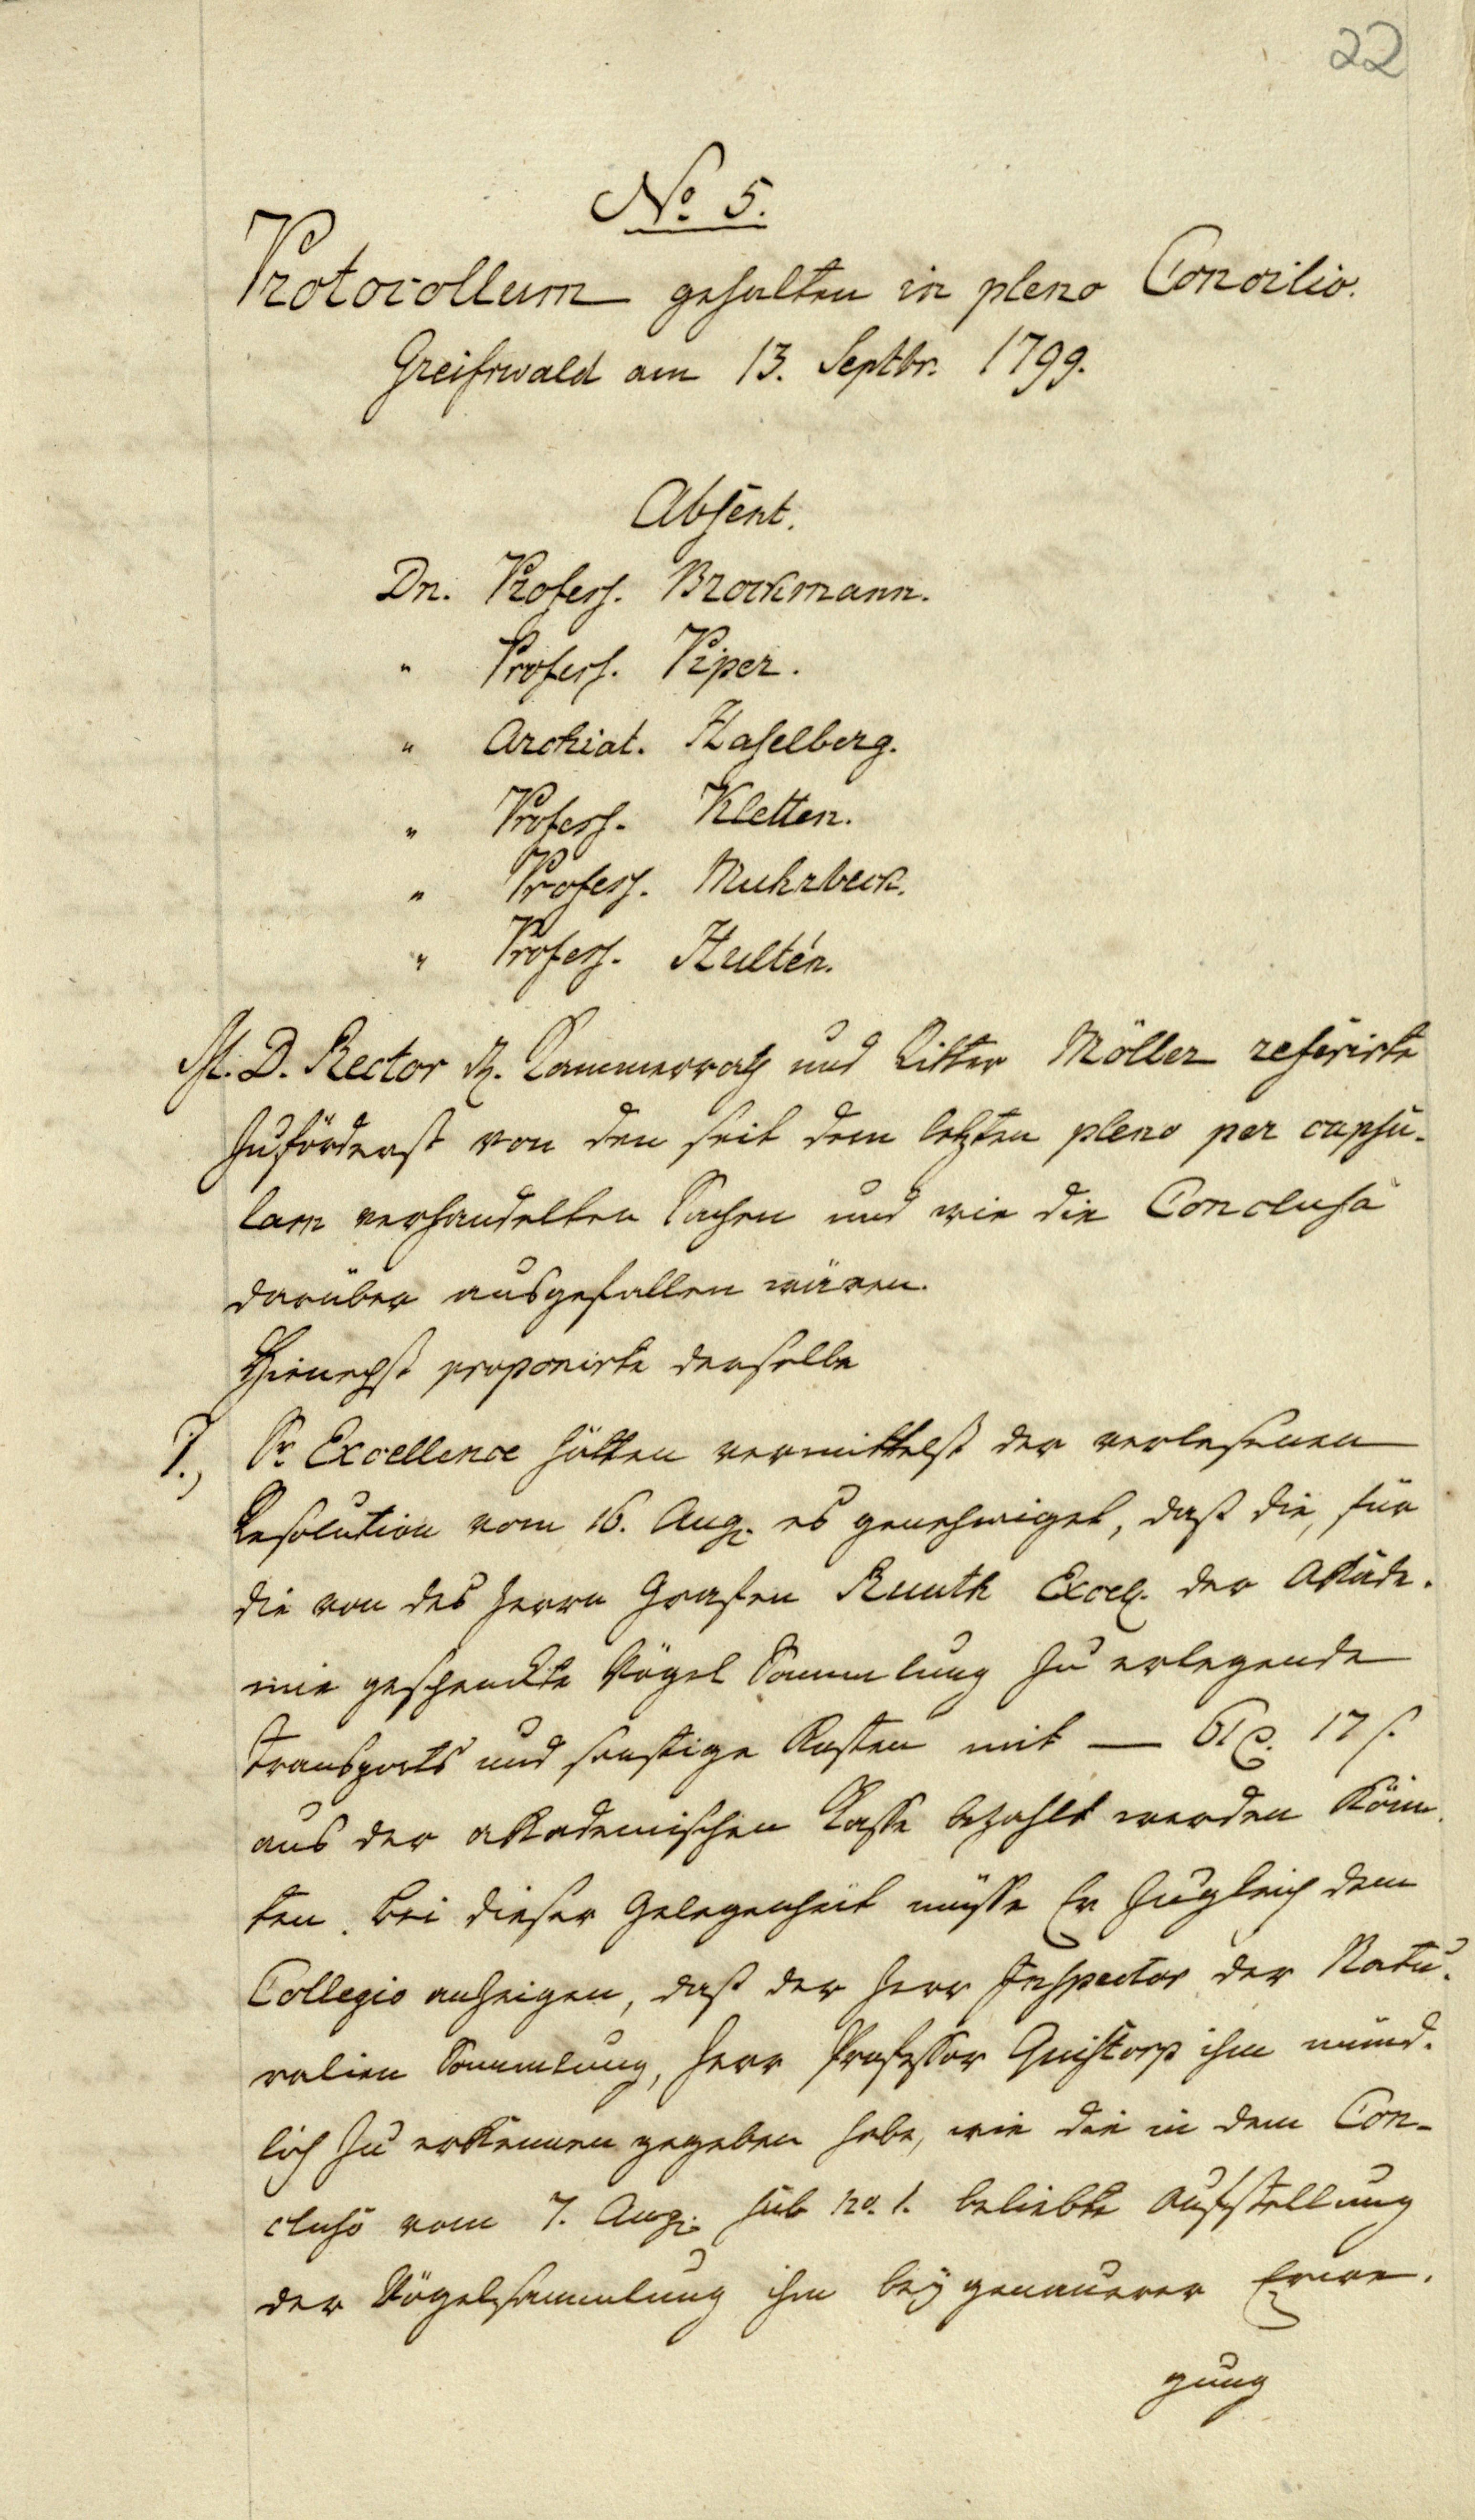Nº 5.
Protocollum gehalten in pleno Concilio.
Greifswald am 13. Septbr. 1799
Absent.
Dn. Profess. Brockmann.
Profess. Piper.
Archiat. Haselberg.
Profess. Kletten.
Profess. Muhrbeck.
Profess. Hultèn.
M. D. Rector dh. Kammerrath und Ritter Möller referirte
zuförderst von den seit dem letzten pleno per capsu¬
lam verhandelten Sachen und wie die Conclusa
darüber ausgefallen wären.
Hienechst proponirte derselbe
1., Sr. Excellence hätten vermittelst der verlesenen
Resolution vom 16. Aug. es genehmiget, daß die, für
die von des herrn Grafen Ruuth Excel. der Akade¬
mie geschenckte Vögel Sammlung zu erlegende
Transports und sonstige Kosten mit 61 l. 17 s.
aus der akademischen Kasse bezahlt werden könn¬
ten. Bei dieser Gelegenheit müsse Er zugleich dem
Collegio anzeigen, daß der herr Inspector der Natu¬
ralien Sammlung, herr Professor Quistorp ihm münd¬
lich zu erkennen gegeben habe, wie die in dem Con¬
cluso vom 7. Aug. sub no. 1 beliebte Aufstellung
der Vögelsammlung ihn beÿ genauerer Erwe¬
gung